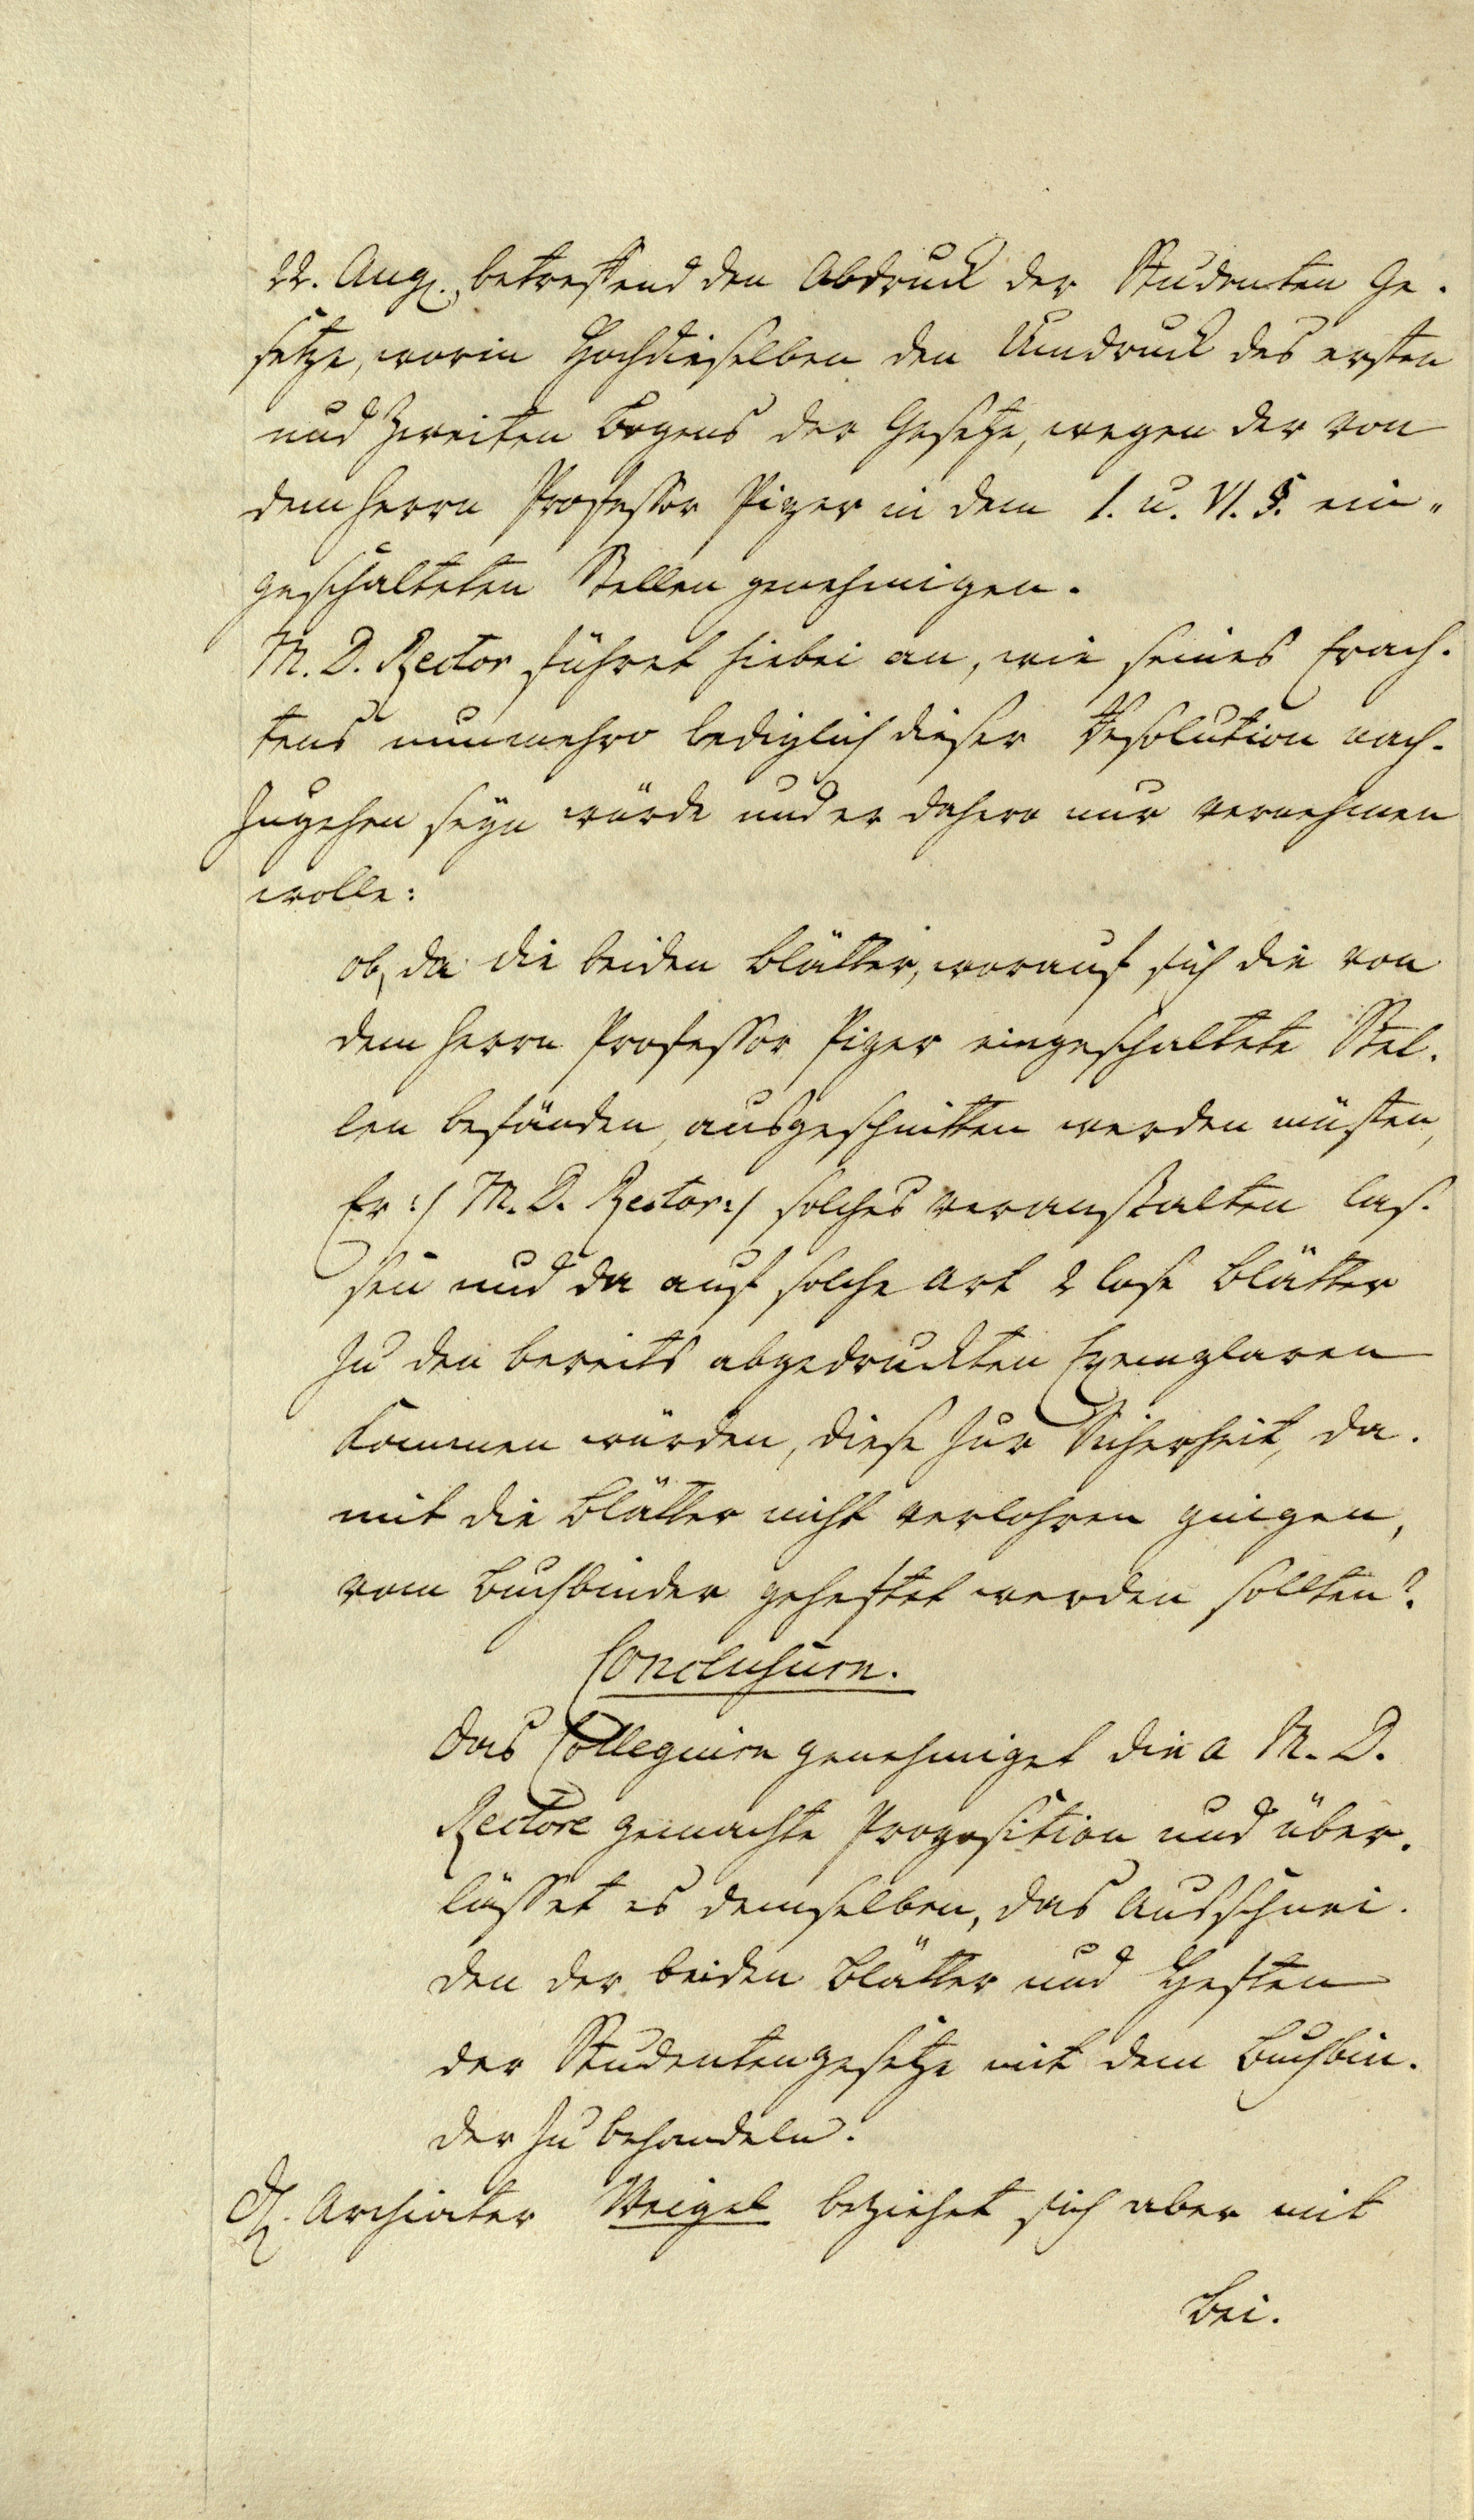22. Aug. betreffend den Abdruck der Studenten Ge¬
setze, worin Hochdieselben den Umdruck des ersten
und zweiten Bogens der Gesetze, wegen der von
dem Herrn Professor Piper in dem I. u VI. §. ein¬
geschalteten Stellen genehmigen.
M. D. Rector führet hiebei an, wie seines Erach¬
tens nunmehro lediglich dieser Resolution nach¬
zugehen seyn würde und er dahero nur vernehmen
wolle:
ob, da die beiden Blätter, worauf sich die von
dem Herrn Professor Piper eingeschaltete Stel¬
len befänden ausgeschnitten werden müßten,
Er :/ M. D. Rector :/ solches veranstalten las¬
sen und da auf solche Art 2 lose Blätter
zu den bereits abgedruckten Exemplaren
kommen würden, diese zur Sicherheit, da¬
mit die Blätter nicht verlohren gingen,
vom Buchbinder geheftet werden sollten?
Conclusum.
Das Collegium genehmiget die a M. D.
Rectore gemachte Proposition und über¬
lässet es demselben, das Ausschnei¬
den der beiden Blätter und Heften
der Studentengesetze mit dem Buchbin¬
der zu behandeln.
dh. Archiater Weigel beziehet sich aber mit
Bei